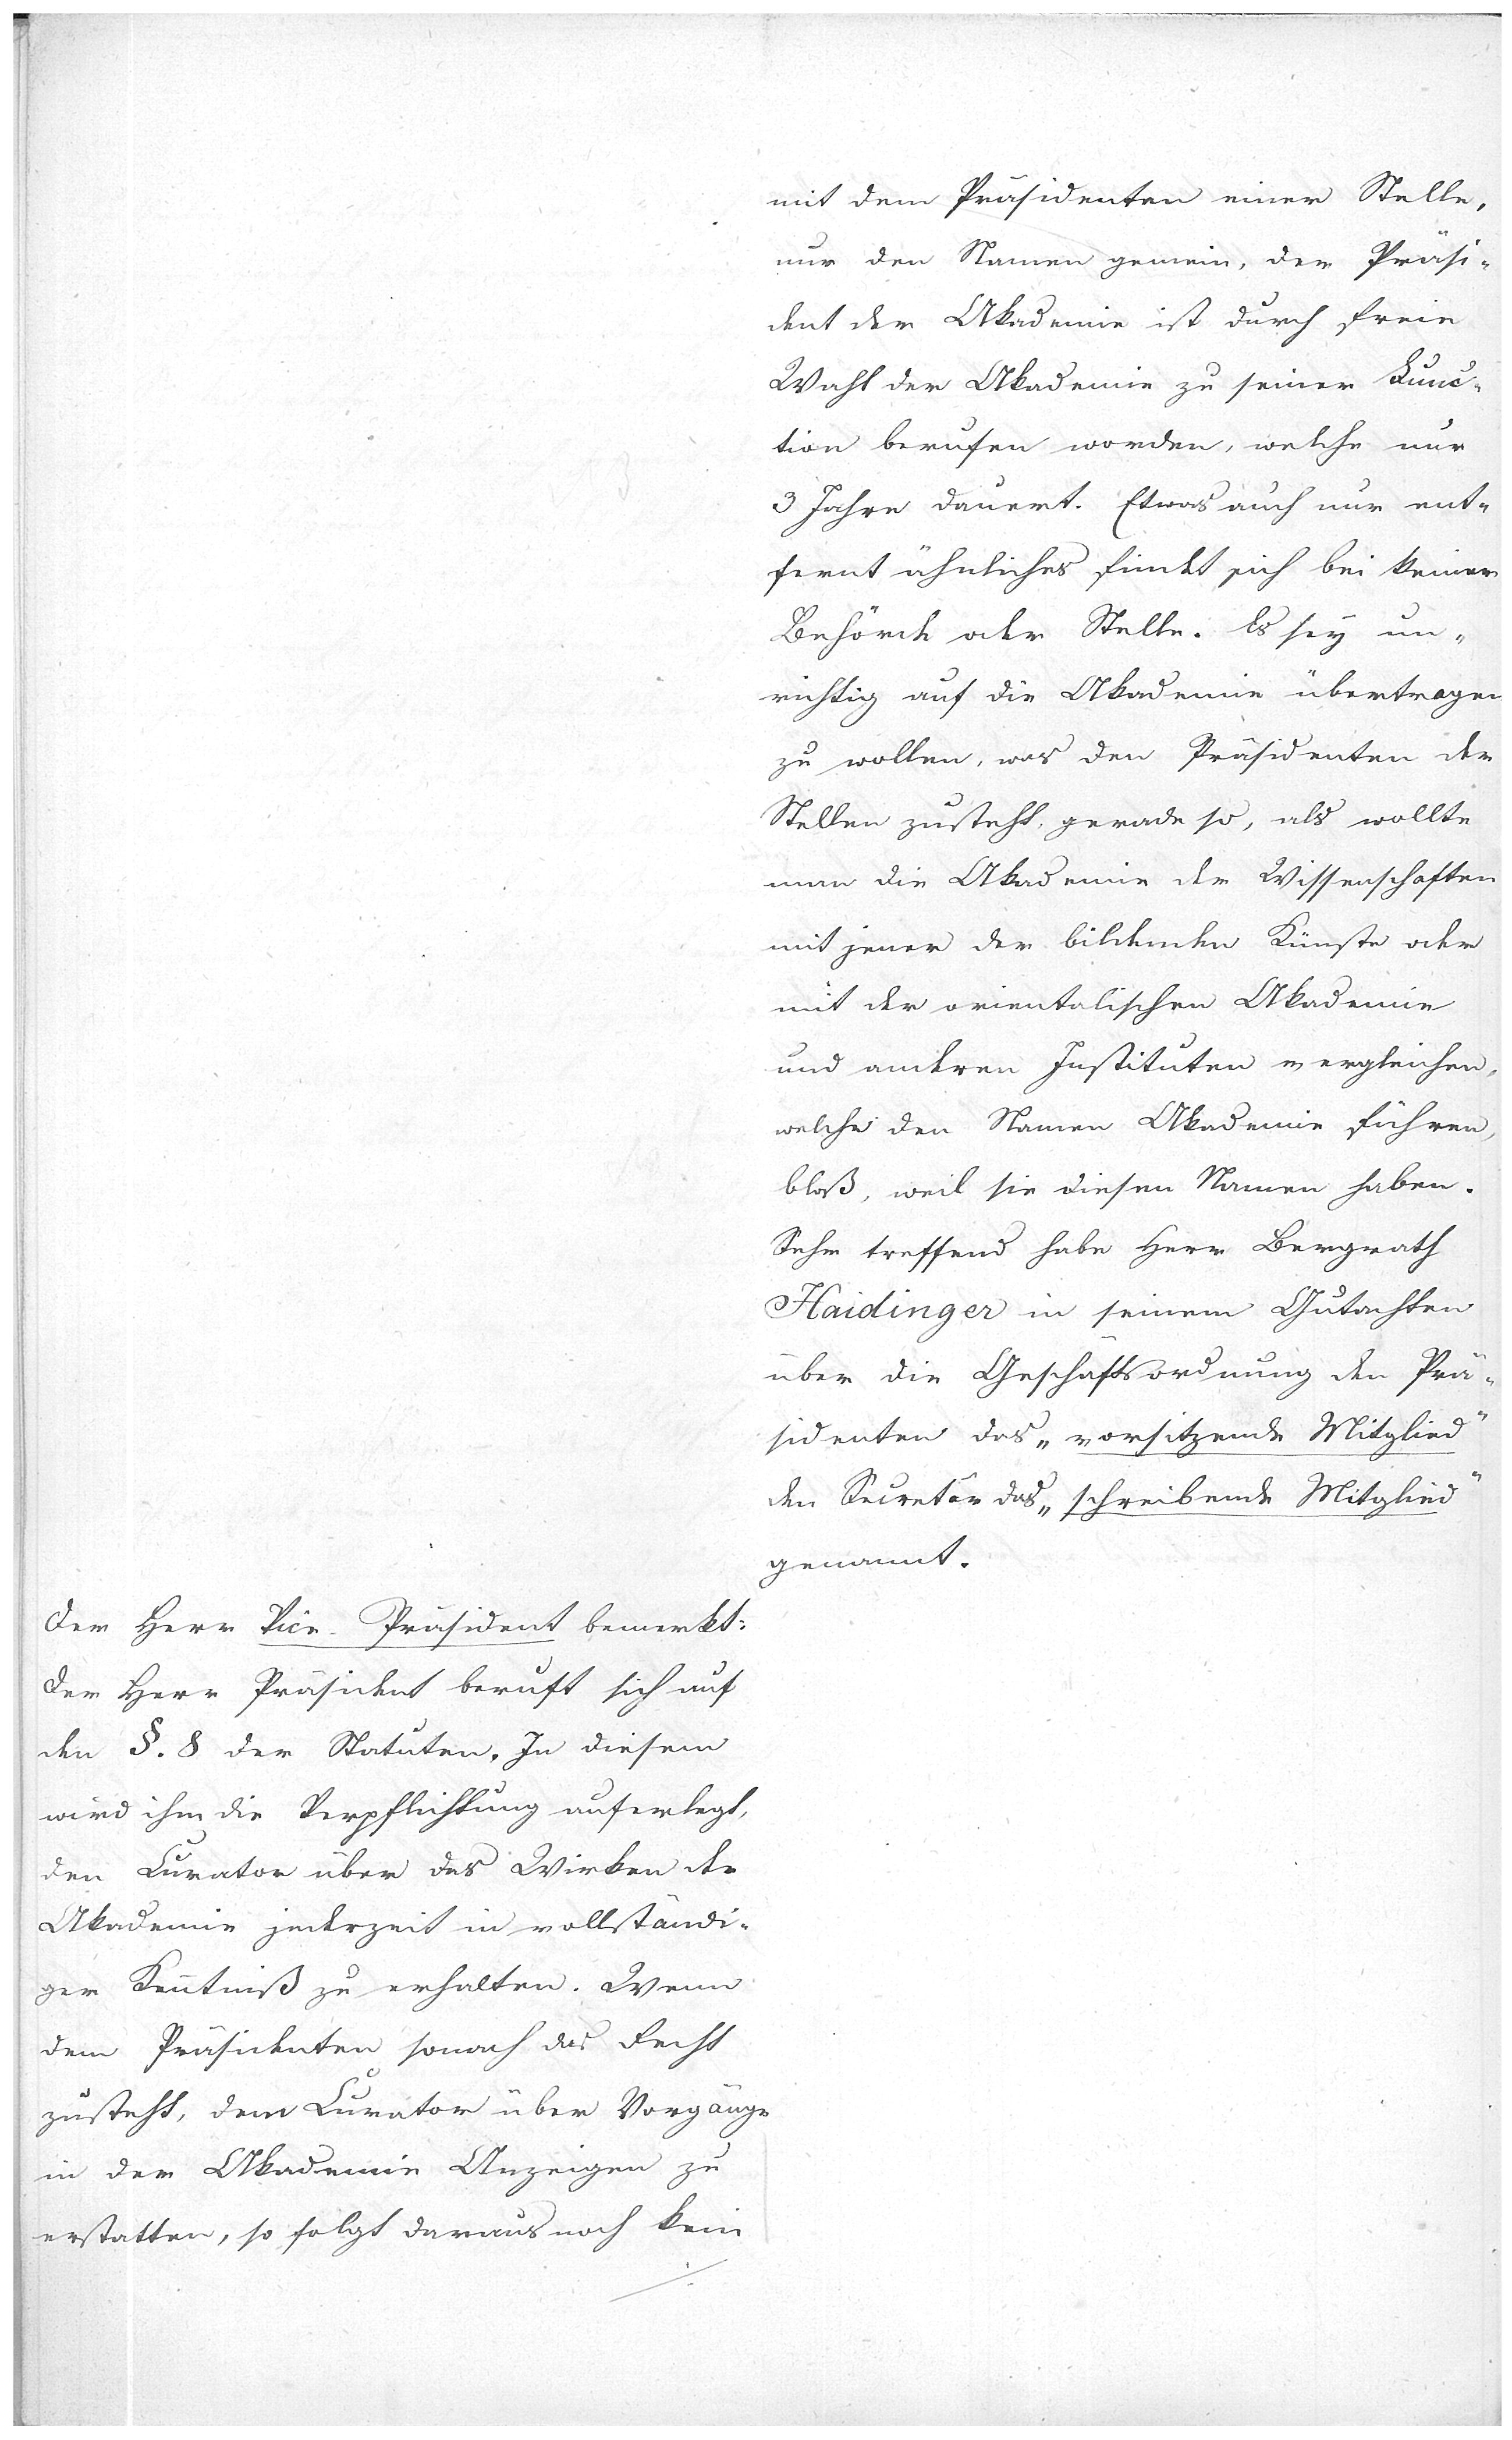mit dem Präsidenten einer Stelle,
nur den Namen gemein; der Präsi-
dent der Akademie ist durch freie
Wahl der Akademie zu seiner Func-
tion berufen worden, welche nur
3 Jahre dauert. Etwas auch nur ent-
fernt ähnliches findet sich bei keiner
Behörde oder Stelle. Es sey un-
richtig auf die Akademie übertragen
zu wollen, was den Präsidenten der
Stellen zusteht gerade so, als wollte
man die Akademie der Wissenschaften
mit jener der bildenden Künste oder
mit der orientalischen Akademie
und anderen Instituten vergleichen,
welche den Namen Akademie führen,
bloß, weil sie diesen Namen haben.
Sehr treffend habe Herr Bergrath
Haiding in seinem Gutachten
über die Geschäftsordnung den Prä-
sidenten das "vorsitzende Mitglied"
den Secretär das "schreibende Mitglied"
genannt.
Der Herr Vice-Präsident bemerkt:
Der Herr Präsident beruft sich auf
den §. 8 der Statuten. In diesem
wird ihm die Verpflichtung unterlegt,
den Curator über das Wirken der
Akademie jederzeit in vollständige-
ger Kenntniß zu erhalten. Wenn
dem Präsidenten sonach das Recht
zusteht, dem Curator über Vorgänge
in der Akademie Anzeige zu
erstatten, so folgt daraus noch kein